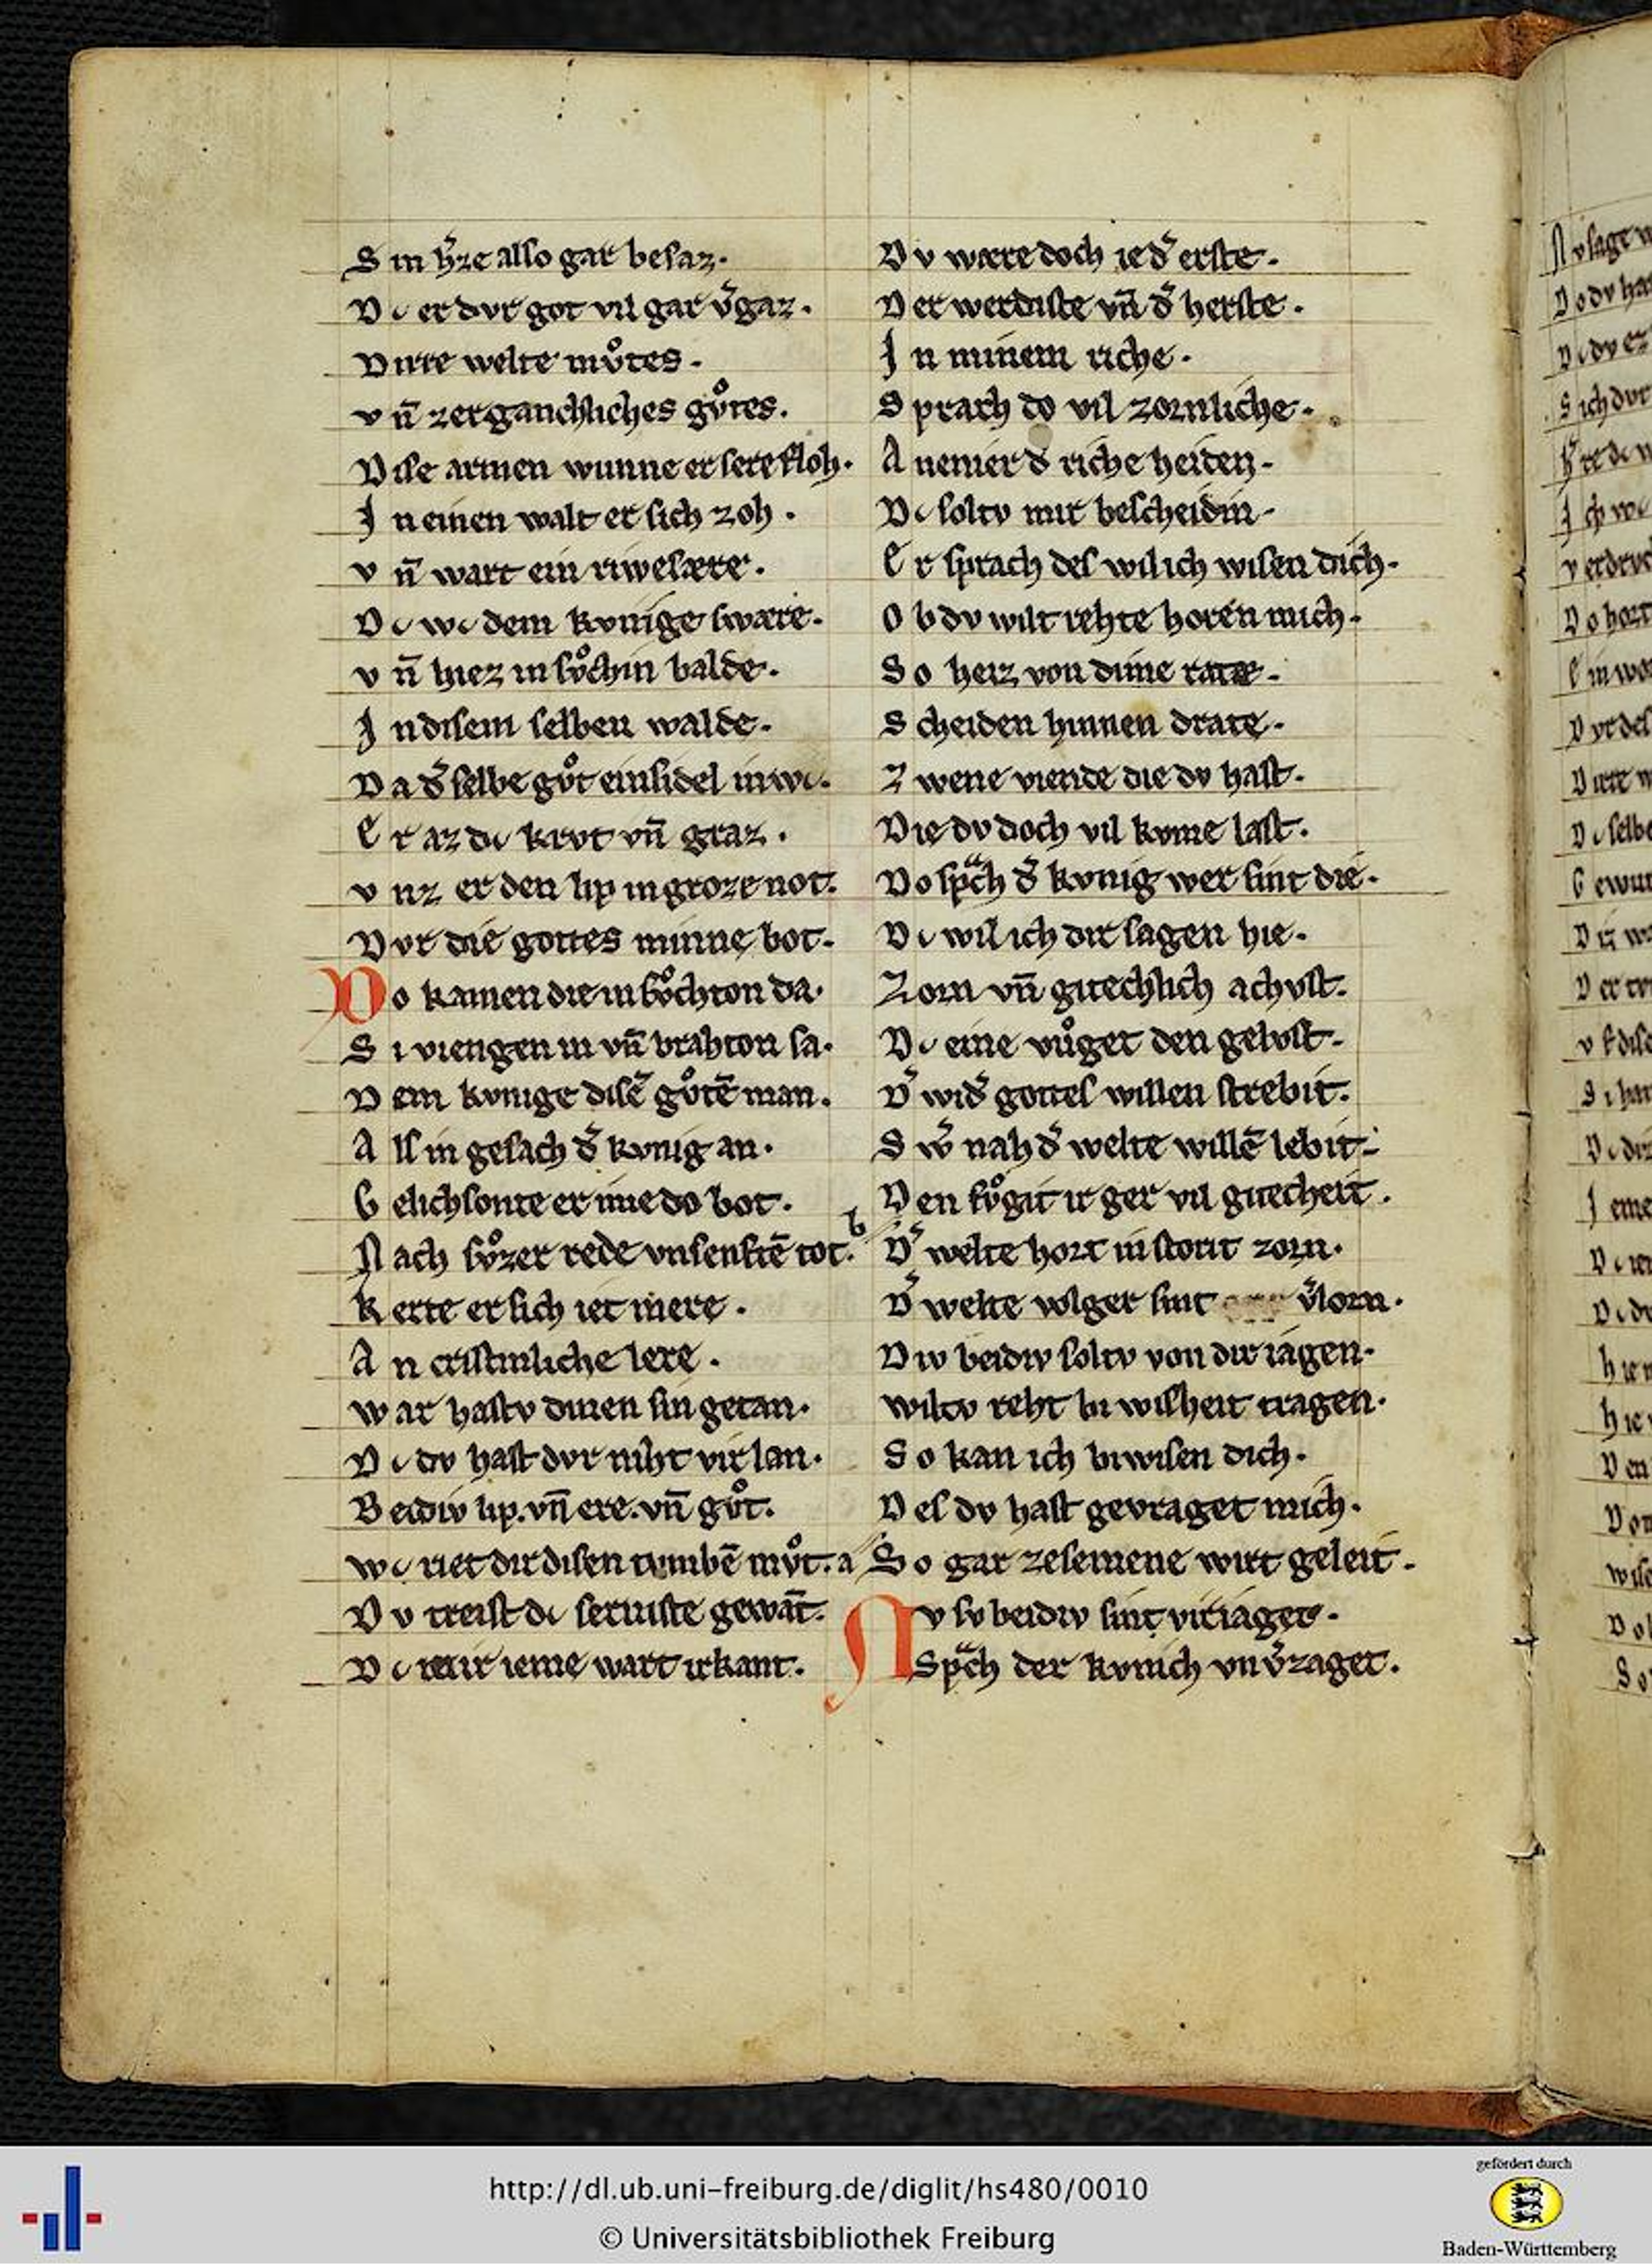Sin h(er)ze alſo gar beſaz.
D(az) er dvr got vil gar v(er)gaz.
Dirre welte mv°otes.
Vn(d) zerganchliches gv°otes.
Diſe armen wunne er ſere floh.
In einen walt er ſich zoh.
Vn(d) wart ein riweſ[ae]re.
D(az) w(az) dem kvnige sw[ae]re.
Vn(d) hiez in ſv°ochin balde.
In diſem ſelben walde.
Da d(er) ſelbe gv°ot einſidel inw(az).
Er az d(az) krvt vn(d) graz.
Vnz er den lip in groze not.
Dvr die gottes minne bot.
*Do kamen die in ſv°ochton da.
Si viengen in vn(d) brahton ſa.
Dem kvnige diſe(n) gv°ote(n) man.
Alſ in geſach d(er) kvnig an.
Gelichſonte er ime do bot.
Nach ſv°ozer rede vnſenfte(n) tot.
Kerte er ſich iet mere.
An criſtinliche lere.
War haſtv dinen ſin getan.
D(az) dv haſt dvr niht virlan.
Beidiv lip. vn(d) ere. vn(d) gv°ot.
W(az) riet dir diſen tvmbe(n) mv°ot.
Dv treiſt d(az) feruiſte gewa(n)t.
D(az) mir ieme wart irkant.
Dv w[ae]re doch ied(er) erſte.
Der werdiſte vn(d) d(er) herſte.
In minem riche.
Sprach do vil zornliche.
Auenier d(er) riche heiden.
D(az) ſoltv mir beſcheidin.
Er ſprach deſ wil ich wiſen dich.
Ob dv wilt rehte horen mich.
So heiz von dime rat[ae].
Scheiden hinnen drate.
Zwene viende die dv haſt.
Die dv doch vil kvme laſt.
Do ſp(ra)ch d(er) kvnig wer ſint die.
D(az) wil ich dir ſagen hie.
Zorn vn(d) gitechlich achvſt.
D(az) eine vu°oget den gelvſt.
D(er) wid(er) gotteſ willen ſtrebit.
Sw(er) nah d(er) welte wille(n) lebit.
Den fv°ogit ir ger vil gitecheit.
(b =) D(er) welte hort in ſtorit zorn.
D(er) welte volger ſint xxx v(er)lorn.
Div beidiv ſoltv von dir iagen.
Wiltv reht bi wiſheit tragen.
So kan ich biwiſin dich.
Deſ dv haſt gevraget mich.
(a =) So gar zeſemene wirt geleit.
**Nv ſv beidiv ſint viriaget.
Sp(ra)ch der kvnich vnv(er)zaget.